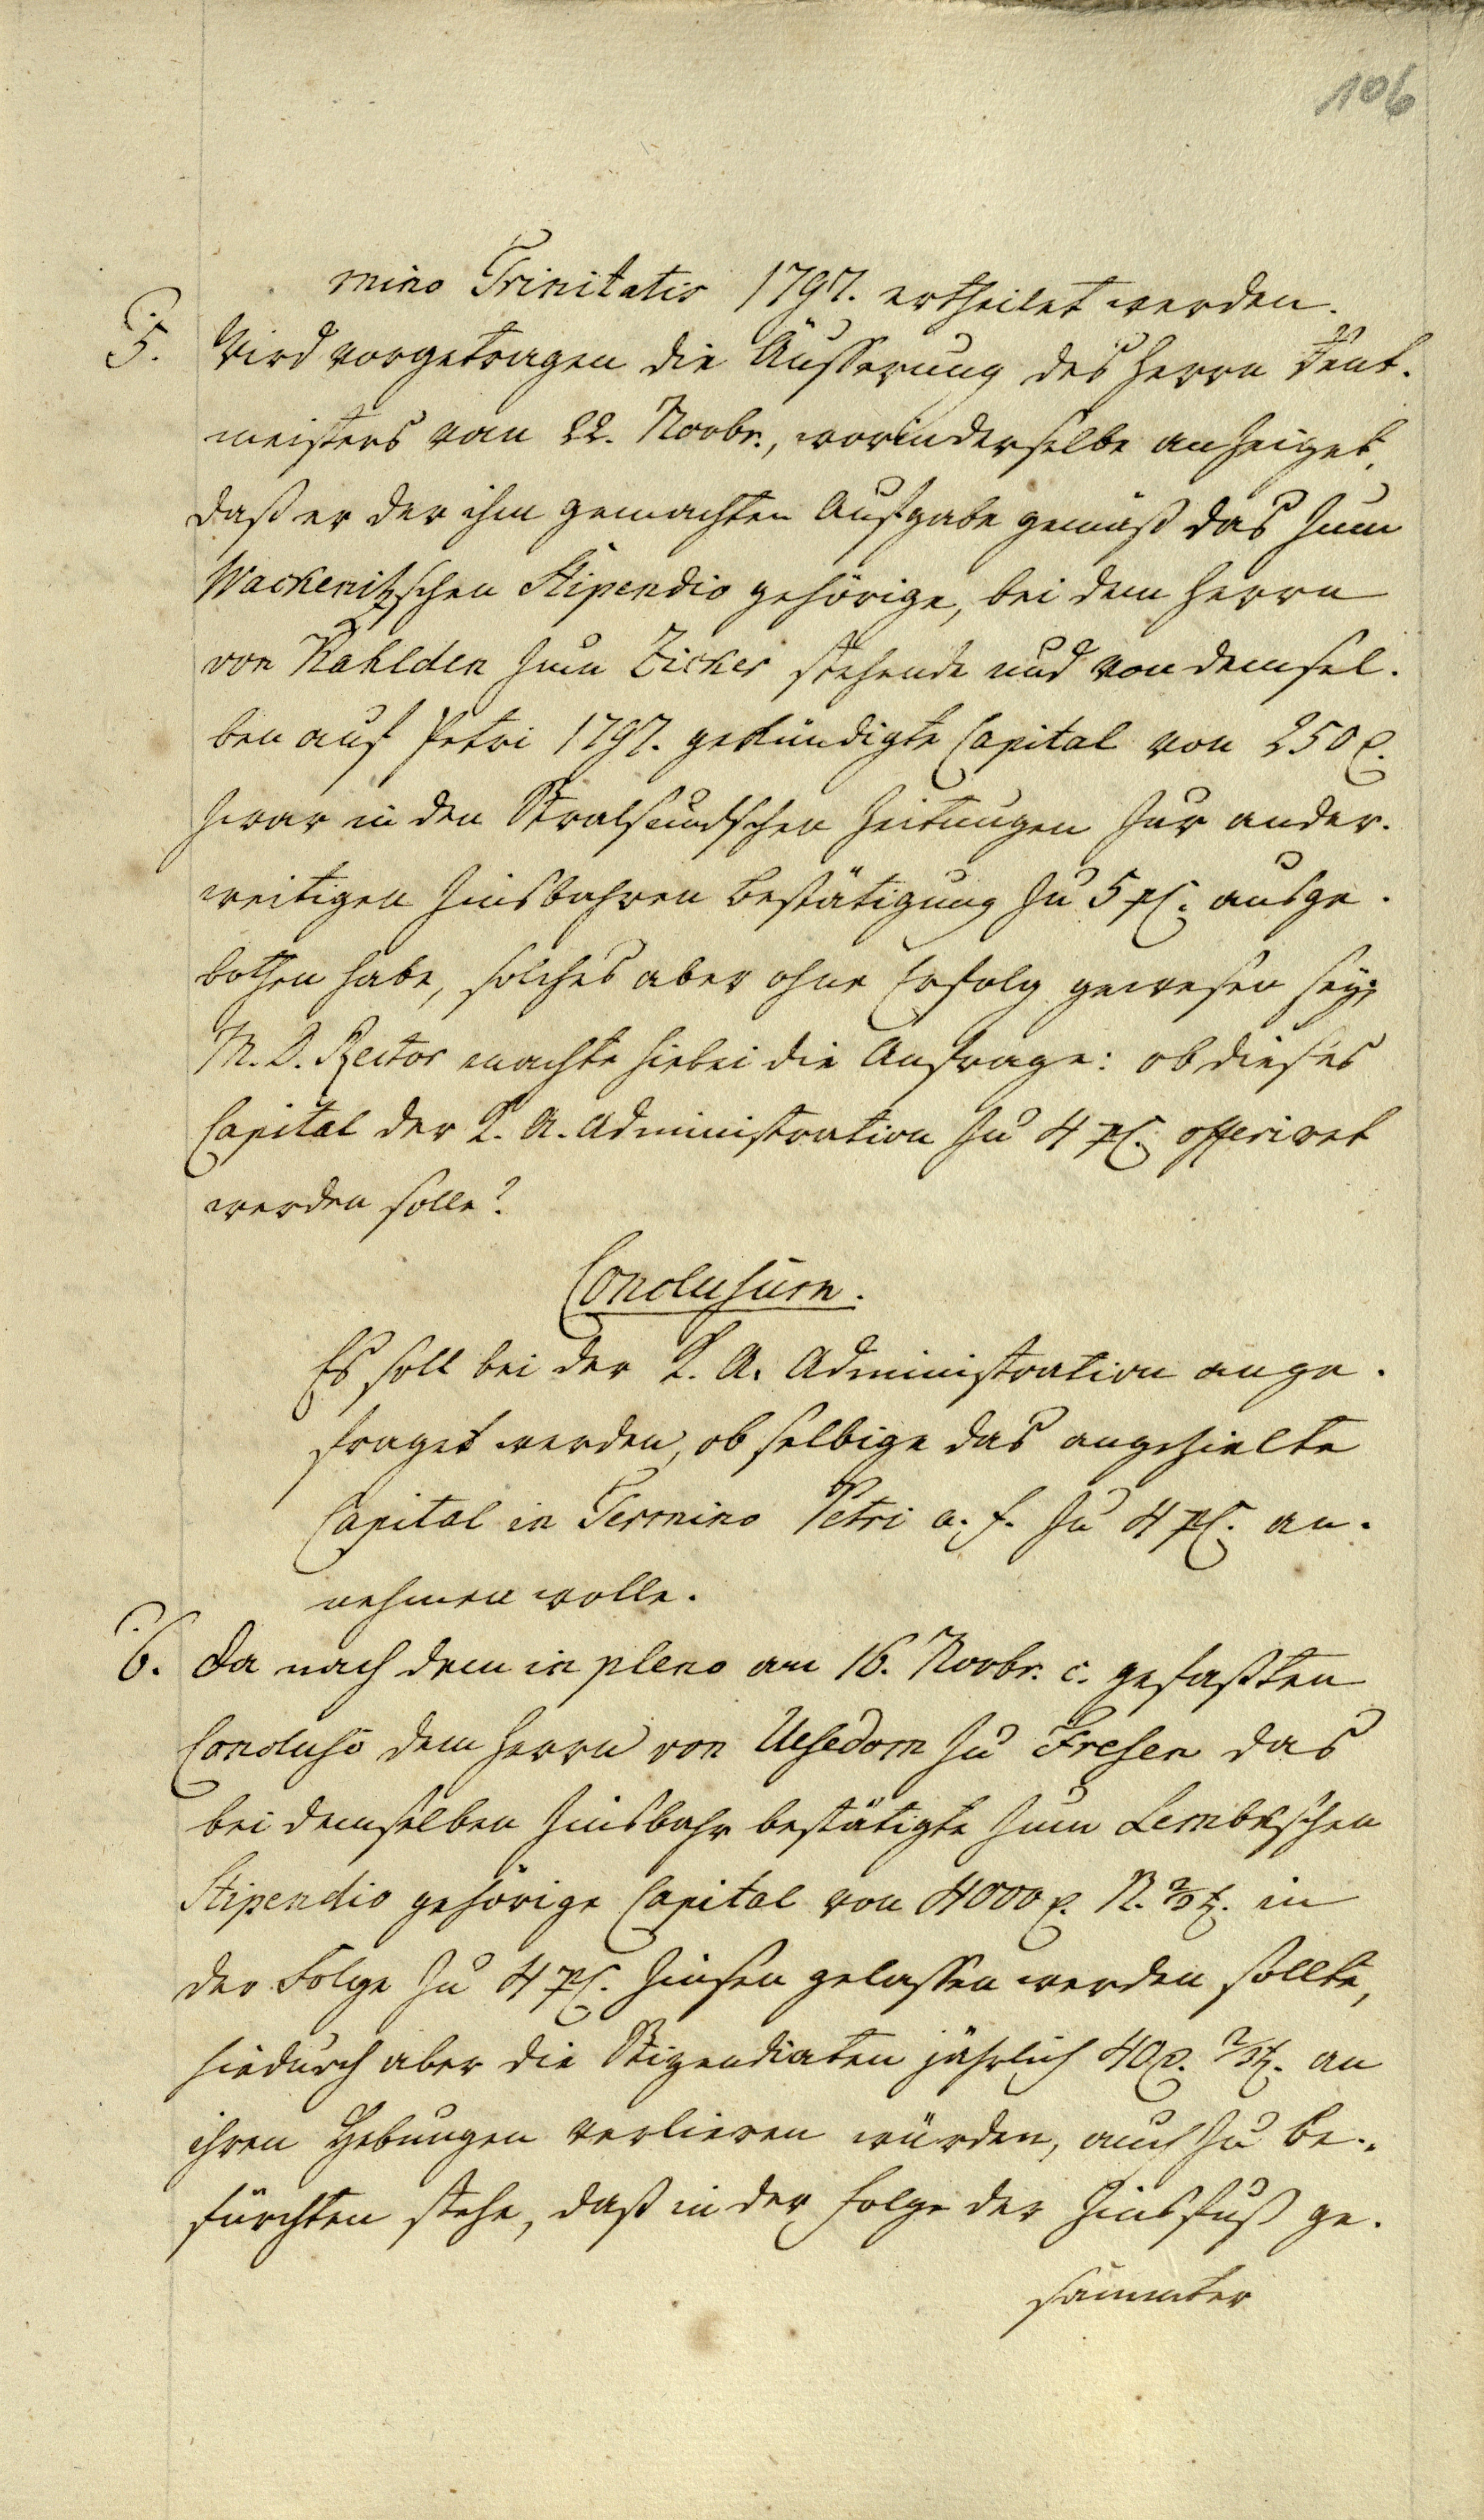mino Trinitatis 1797. ertheilet werden.
5. Wird vorgetragen die Äusserung des Herrn Rent¬
meisters von 22. Novbr., worin derselbe anzeiget,
daß er der ihm gemachten Aufgabe gemäß das zum
Wackenitzschen Stipendio gehörige, bei dem Herrn
von Kahlden zum Zicker stehende und von demsel¬
ben auf Petri 1797. gekündigte Capital von 250 l.
zwar in den Stralsundschen Zeitungen zur ander¬
weitigen zinsbahren Bestätigung zu 5 pl. ausge¬
bothen habe, solches aber ohne Erfolg gewesen seÿ;
M. D. Rector machte hiebei die Anfrage: ob dieses
Capital der K. A. Administration zu 4 pl. offeriret
werden solle?
Conclusum.
Es soll bei der K. A. Administration ange¬
fraget werden, ob selbige das angezielte
Capital in Termino Petri a. f. zu 4 pl. an¬
nehmen wolle.
6. Da nach dem in pleno am 16. Novbr. c. gefaßten
Concluso dem Herrn von Uesedom zu Fresen das
bei demselben zinsbahr bestätigte zum Lembkschen
Stipendio gehörige Capital von 4000 l. N. ¾ h. in
der Folge zu 4 pl. Zinsen gelassen werden sollte,
hiedurch aber die Stipendiaten jährlich 40 l. ¾ h. an
ihren Hebungen verlieren würden, auch zu be¬
fürchten stehe, daß in der Folge der Zinsfuß ge¬
sammter